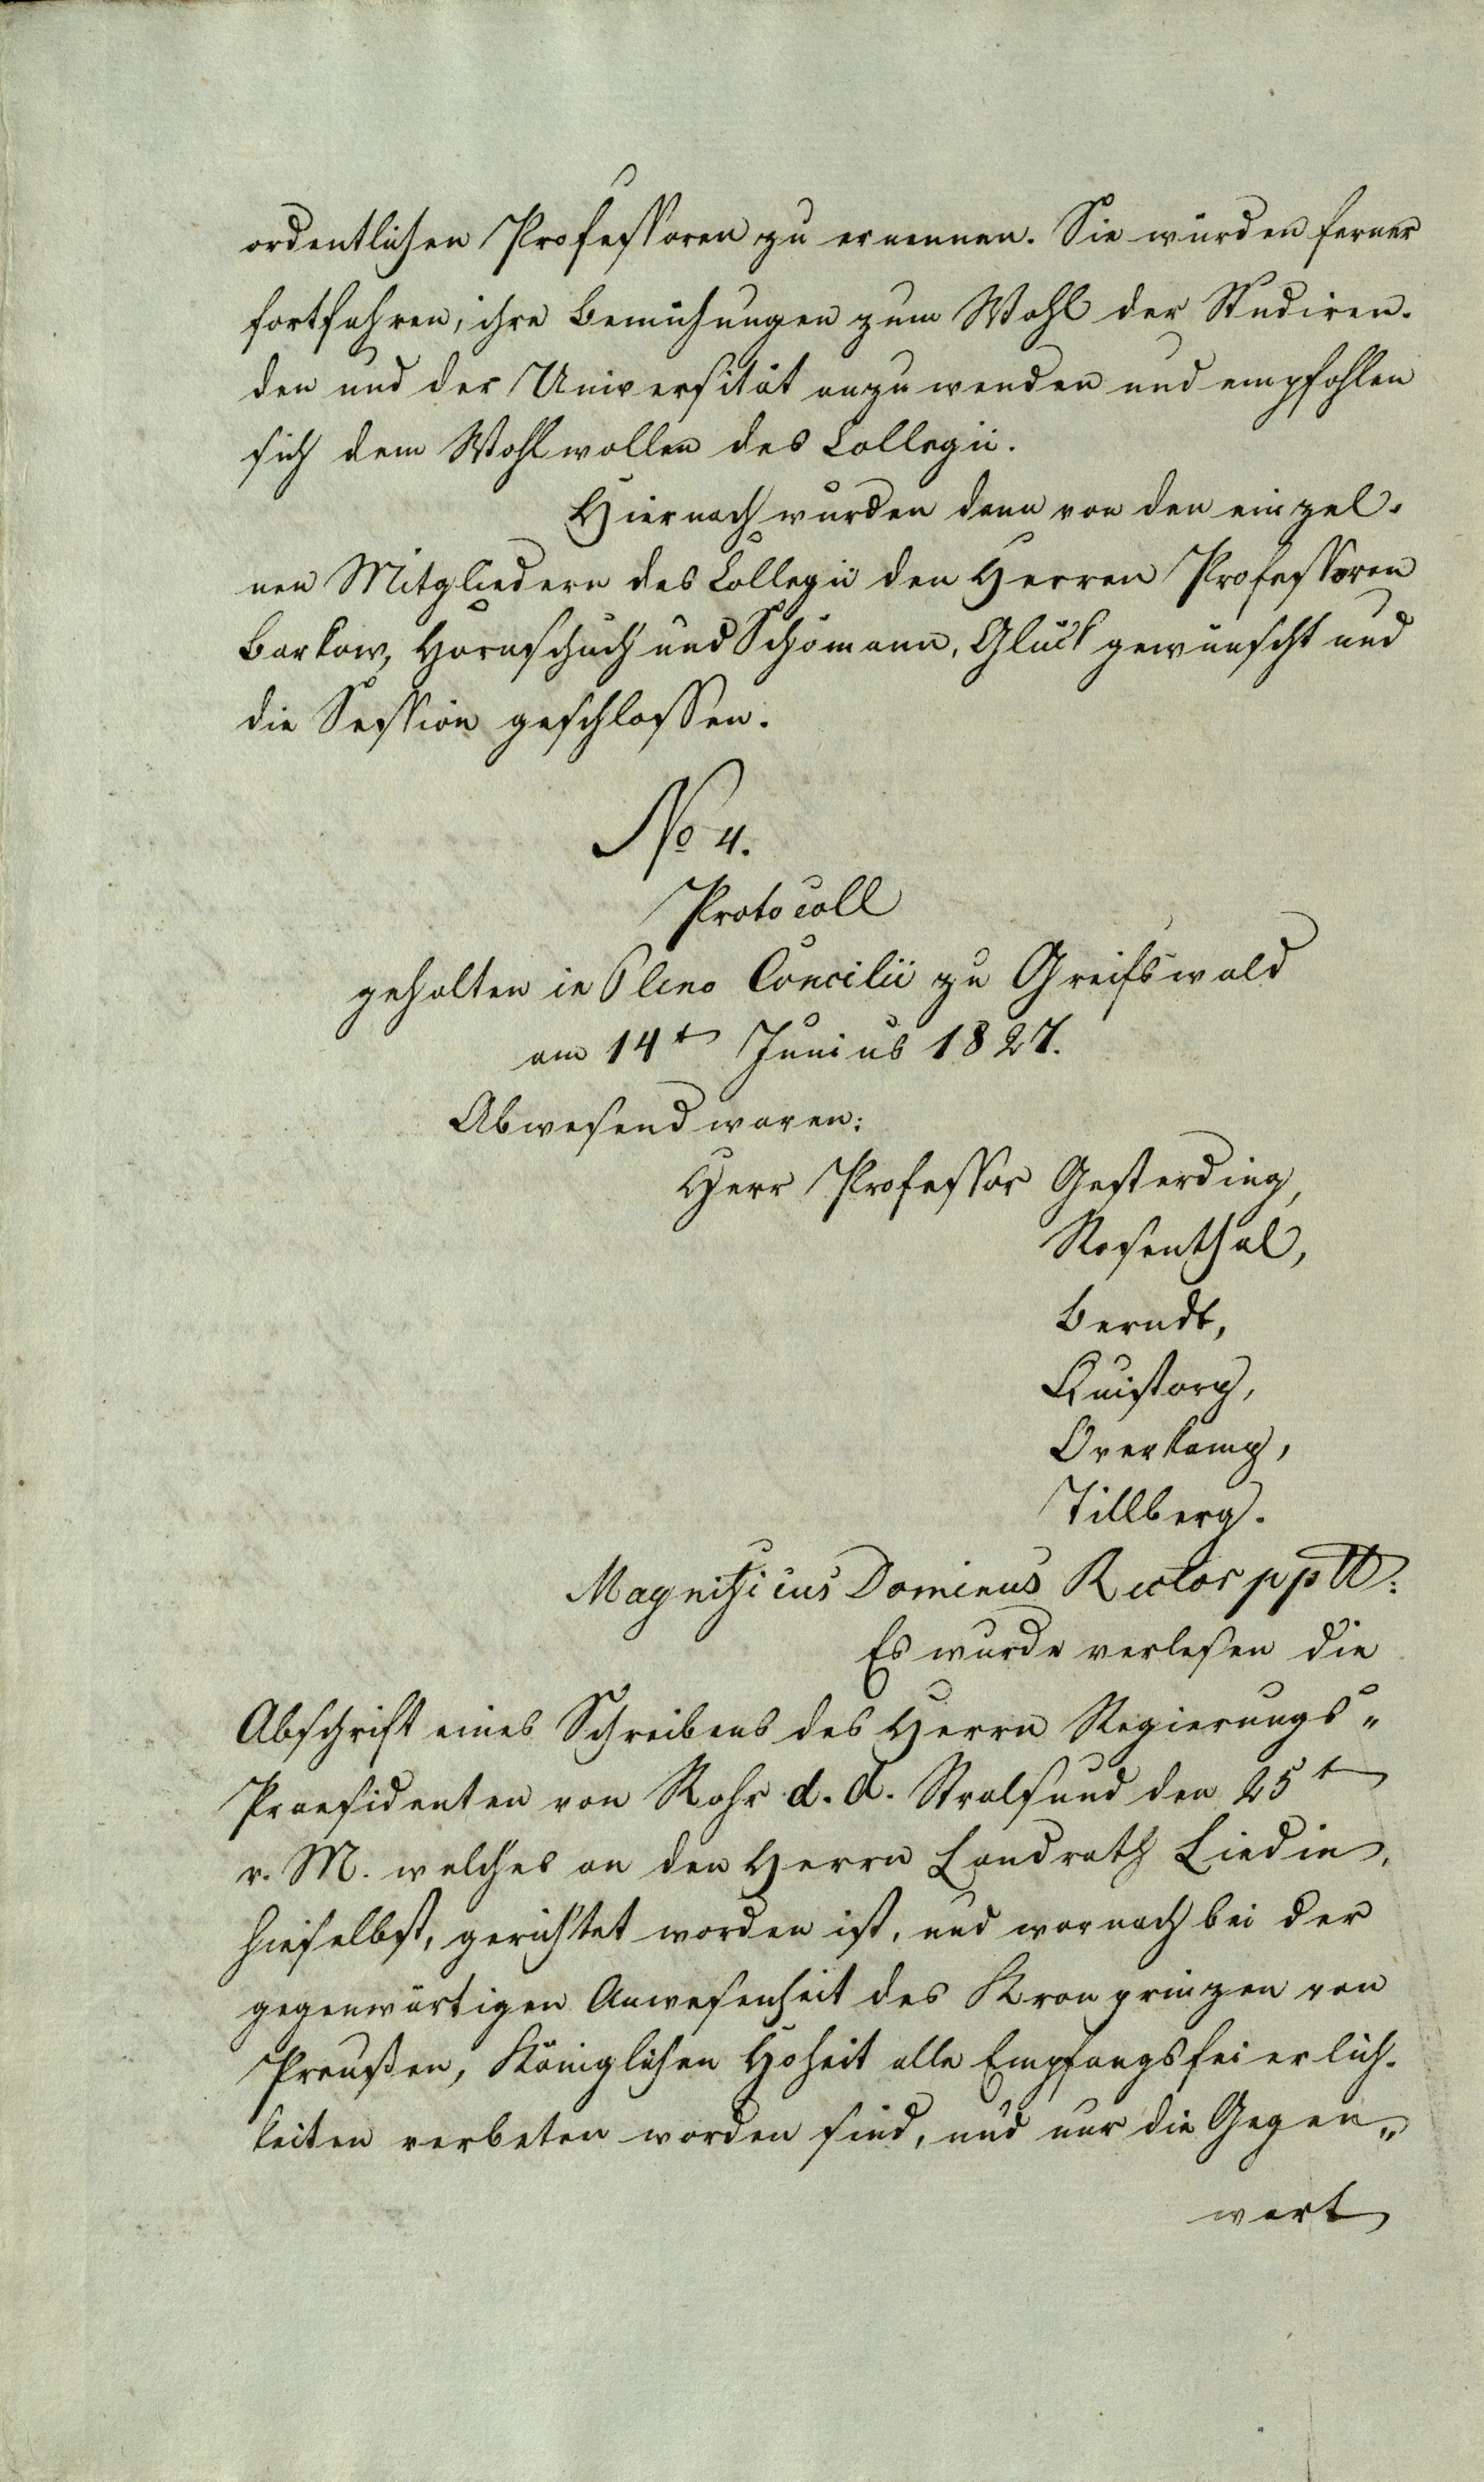ordentlichen Professoren zu ernennen. Sie würden ferner
fortfahren, ihre Bemühungen zum Wohl der Studiren¬
den und der Universität anzuwenden und empfohlen
sich dem Wohlwollen des Collegii.
Hiernach wurden dann von den einzel¬
nen Mitgliedern des Collegii den Herren Professoren
Barkow, Hornschuch und Schömann, Glück gewünscht und
die Session geschlossen.
Nº 4.
Protocoll
gehalten in Pleno Concilii zu Greifswald
am 14ten Junius 1827.
Abwesend waren:
Herr Professor Gesterding,
Rosenthal,
Berndt,
Quistorp,
Overkamp,
Tillberg.
Magnificus Dominus Rector pp tt:
Es wurde verlesen die
Abschrift eines Schreibens des Herrn Regierungs¬
Praesidenten von Rohr d. d. Stralsund den 25ten
v. M. welches an den Herrn Landrath Liedin,
hieselbst, gerichtet worden ist, und wornach bei der
gegenwärtigen Anwesenheit des Kronprinzen von
Preußen, Königlichen Hoheit Empfangsfeierlich¬
keiten verbeten worden sind, und nur die Gegen¬
wart